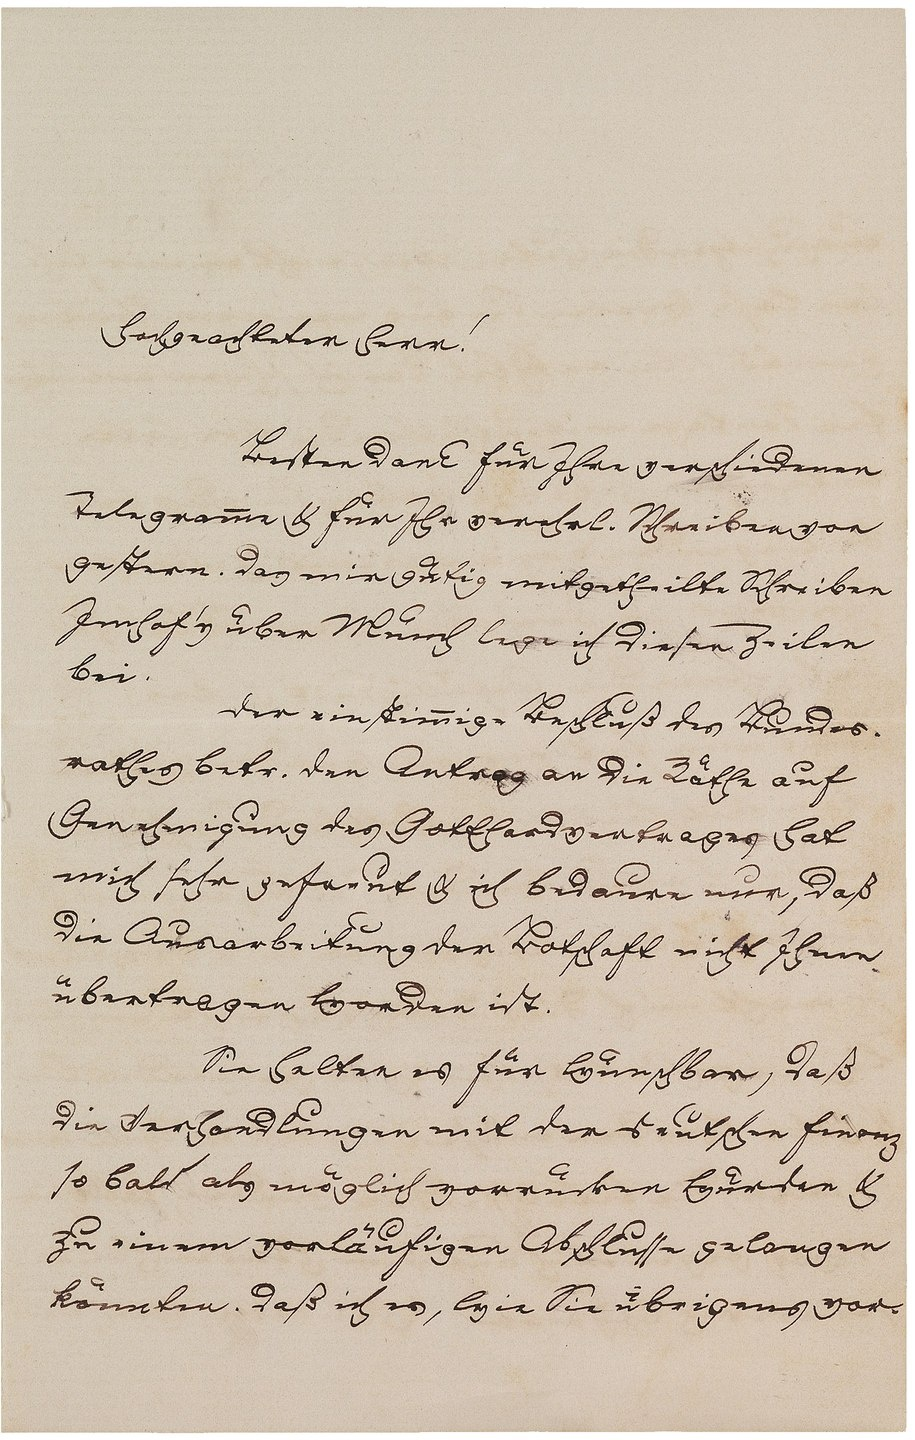Hochgeachteter Herr!
Besten Dank für Ihre verschiedenen
Telegramme & für Ihr verehrl. Schreiben von
gestern. Das mir gütig mitgetheilte Schreiben
Imhof's über Munch lege ich diesen Zeilen
bei.
Der einstimmige Beschluß des Bundes-
rathes betr. den Antrag an die Räthe auf
Genehmigung des Gotthardvertrages hat
mich sehr gefreut & ich bedaure nur, daß
die Ausarbeitung der Botschaft nicht Ihnen
übertragen worden ist.
Sie halten es für wünschbar, daß
die Verhandlungen mit der deutschen Finanz
so bald als möglich vorrücken würden &
zu einem vorläufigen Abschlusse gelangen
könnten. Daß ich es, wie Sie übrigens vor-